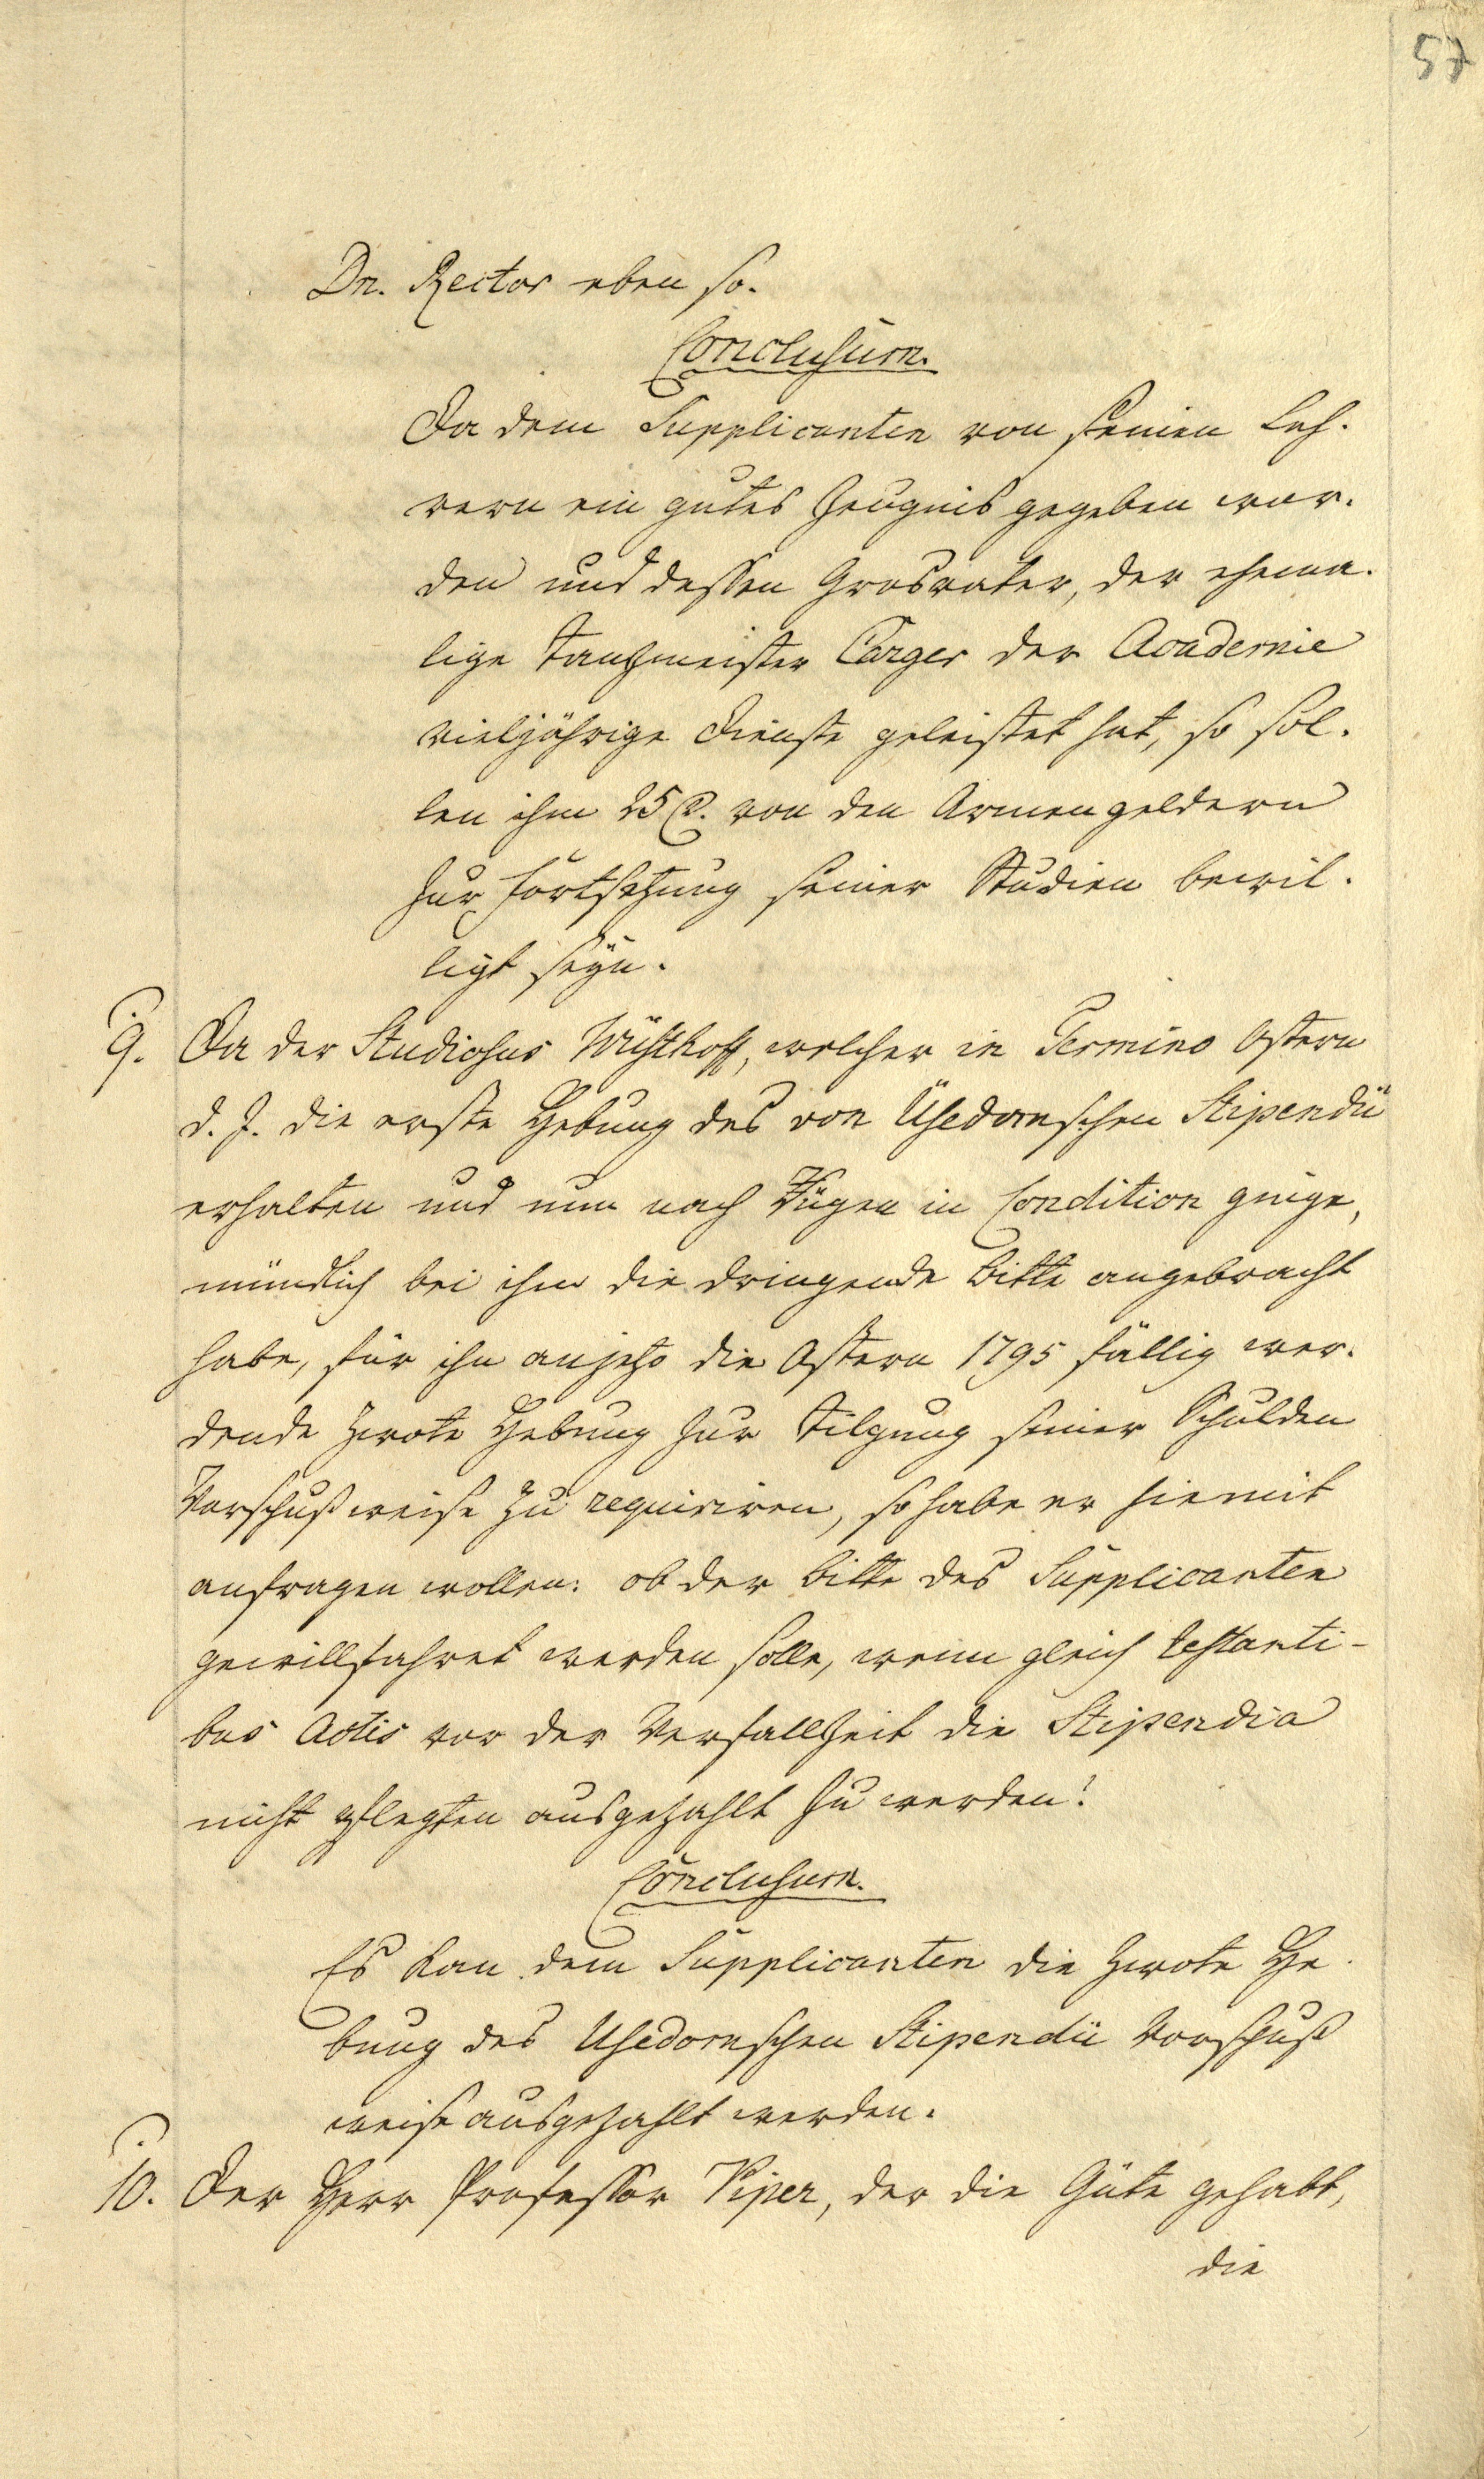Dn. Rector eben so.
Conclusum.
Da dem Supplicanten von seinen Leh-
rern ein gutes Zeugnis gegeben wor-
den und dessen Grosvater, der ehema-
lige Tanzmeister Carger der Academie
vieljährige Dienste geleistet hat, so sol-
len ihm 25 rtl. von den Armengeldern
zur Fortsetzung seiner Studien bewil-
ligt seyn.
9. Da der Studiosus Wüsthoff, welcher in Termino Ostern
d. J. die erste Hebung des von Usedomschen Stipendii
erhalten und nun nach Rügen in Condition ginge,
mündlich bei ihm die dringende Bitte angebracht
habe, für ihn anjetzo die Ostern 1795 fällig wer-
dende zwote Hebung zur Tilgung seiner Schulden
Vorschußweise zu requiriren, so habe er hiemit
anfragen wollen: ob der Bitte des Supplicanten
gewillfahret werden solle, wenn gleich testanti-
bus Actis vor der Verfallzeit die Stipendia
nicht pflegten ausgezahlt zu werden?
Conclusum.
Es kan dem Supplicanten die zwote He-
bung des Usedomschen Stipendii vorschuß-
weise ausgezahlt werden.
10. Der Herr Professor Piper, der die Güte gehabt,
die